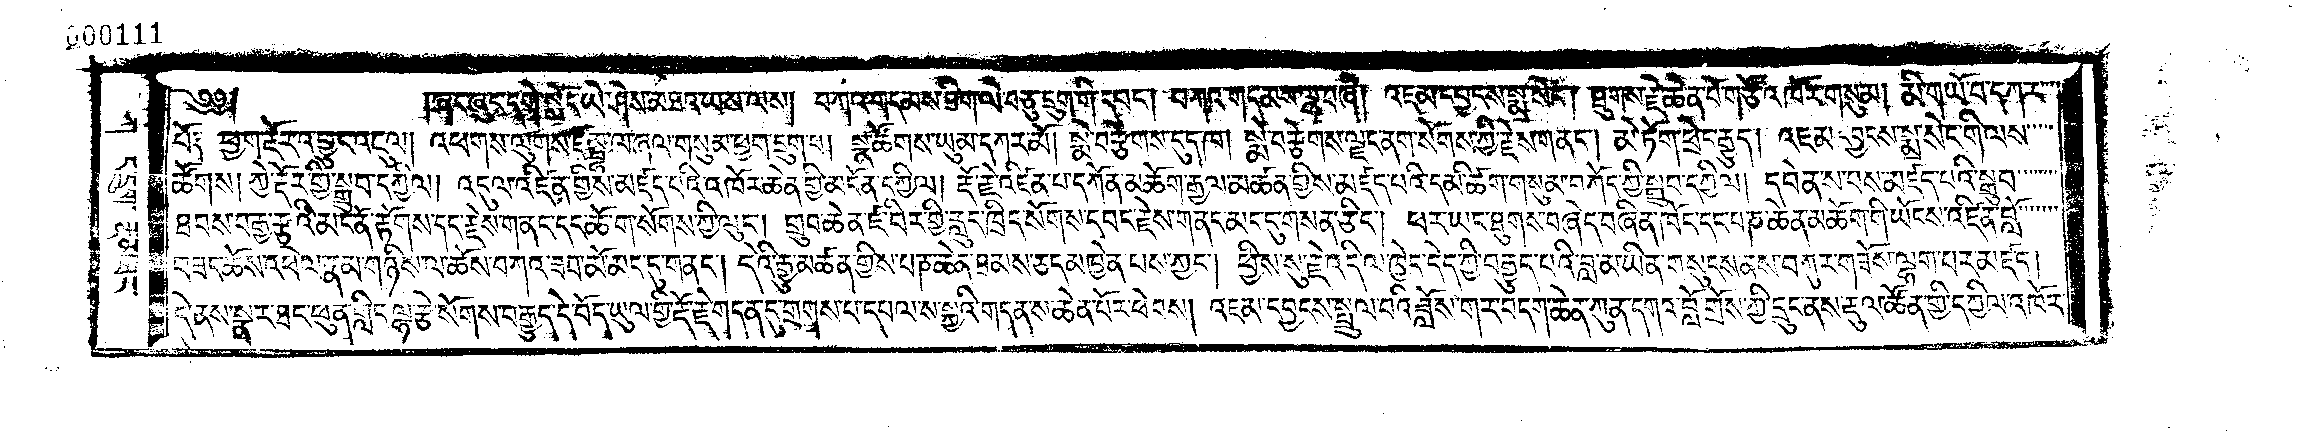༄༅། །ཞང་ཞུང་དགེ་སློང་ཡེ་ཤེས་མཐའ་ཡས་ལས། བཀའ་གདམས་ཐིག་ལེ་བཅུ་དྲུག་གི་དབང་། བཀའ་གདམས་ལྷ་བཞི། འཇམ་དབྱངས་སྨྲ་སེང་། ཐུགས་རྗེ་ཆེན་པོ་གཙོ་འཁོར་གསུམ། མི་གཡོ་བ་དཀར་
པོ༑ ཕྱག་རྡོར་འབྱུང་འདུལ། འཕགས་ལུགས་ཛམྦྷ་ལ་ཞལ་གསུམ་ཕྱག་དྲུག་པ། སྣ་ཚོགས་ཡུམ་དཀར་མོ། སྨེ་བརྩེགས་དུད་ཁ། སྨེ་བརྩེགས་ལྗང་ནག་སོགས་ཀྱི་རྗེས་གནང་། མེ་ཏོག་ཕྲེང་རྒྱུད། འཇམ་དབྱངས་སྨྲ་སེང་གི་ལས་
ཚོགས། ཀྱེ་རྡོར་གྱི་སྒྲུབ་དཀྱིལ། འདུལ་འཛིན་གྱིས་མཛད་པའི་འཁོར་ཆེན་གྱི་མངོན་དཀྱིལ། རྡོ་རྗེ་འཛིན་པ་དཀོན་མཆོག་རྒྱལ་མཚན་གྱིས་མཛད་པའི་དམ་ཚིག་གསུམ་བཀོད་ཀྱི་སྒྲུབ་དཀྱིལ། དབེན་ས་པས་མཛད་པའི་སྒྲུབ་
ཐབས་བརྒྱ་རྩའི་མངོན་རྟོགས་དང་རྗེས་གནང་དང་ཆོ་ག་སོགས་ཀྱི་ལུང་། གྲུབ་ཆེན་ཛ་བིར་གྱི་རླུང་ཁྲིད་སོགས་དབང་རྗེས་གནང་མང་དུ་གསན་ཅིང་། ཕར་ཡང་ཐུགས་བཞེད་བཞིན་ཁོང་དང་པཎ་ཆེན་མཆོག་གི་ཡོངས་འཛིན་བློ་
བཟང་ཆོས་འཕེལ་རྣམ་གཉིས་ལ་ཆོས་བཀའ་ཟབ་མོ་མང་དུ་གནང་། དེའི་རྒྱུ་མཚན་གྱིས་པཎ་ཆེན་ཐམས་ཅད་མཁྱེན་པས་ཀྱང་། ཕྱིས་སུ་རྗེ་འདི་ལ་ཁྱེད་ངེད་ཀྱི་བརྒྱུད་པའི་བླ་མ་ཡིན་གསུངས་ནས་བཀུར་གཟོས་ལྷག་པར་མཛད།
དེ་ནས་སྣར་ཐང་ཕུན་གླིང་ལྷ་རྩེ་སོགས་བརྒྱུད་དེ་བོད་ཡུལ་གྱི་རྡོ་རྗེ་གདན་དུ་གྲགས་པ་དཔལ་ས་སྐྱའི་གདན་ས་ཆེན་པོར་ཕེབས། འཇམ་དབྱངས་སྤྲུལ་པའི་ཟློས་གར་བདག་ཆེན་ཀུན་དགའ་བློ་གྲོས་ཀྱི་དྲུང་ནས་རྡུལ་ཚོན་གྱི་དཀྱིལ་འཁོར་